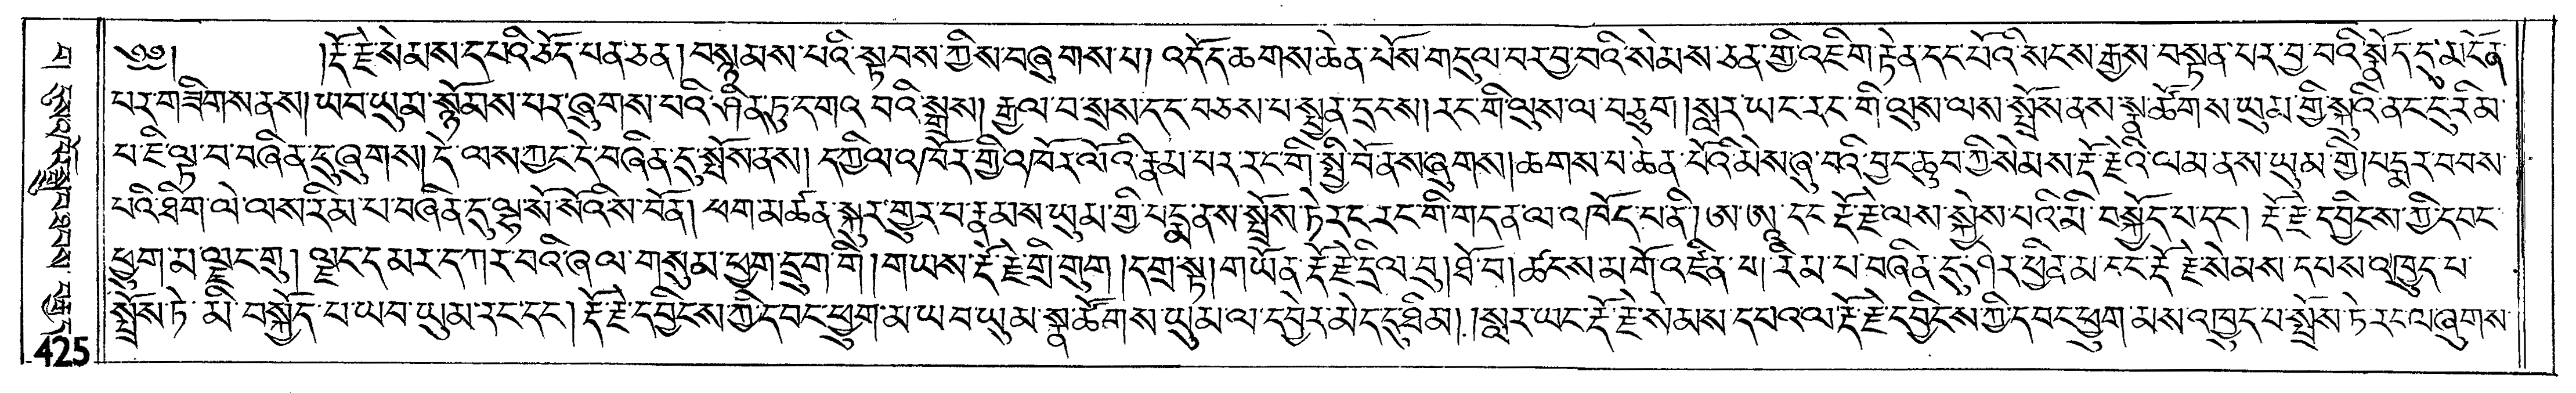༄༅། །རྡོ་རྗེ་སེམས་དཔའི་ཅོད་པན་ཅན། བསྙམས་པའི་སྟབས་ཀྱིས་བཞུགས་པ། འདོད་ཆགས་ཆེན་པོས་གདུལ་བར་བྱ་བའི་སེམས་ཅན་གྱི་འཇིག་རྟེན་དང་པོའི་སངས་རྒྱས་བསྟན་པར་བྱ་བའི་སྣོད་དུ་མངོན་
པར་གཟིགས་ནས། ཡབ་ཡུམ་སྙོམས་པར་ཞུགས་པའི་ཤིན་ཏུ་དགའ་བའི་སྒྲས། རྒྱལ་བ་སྲས་དང་བཅས་པ་སྤྱན་དྲངས། རང་གི་ལུས་ལ་བཅུག །སླར་ཡང་རང་གི་ལུས་ལས་སྤྲོས་ནས་སྣ་ཚོགས་ཡུམ་གྱི་སྐུའི་ནང་དུ་རིམ་
པ་ཇི་ལྟ་བ་བཞིན་དུ་ཞུགས། དེ་ལས་ཀྱང་དེ་བཞིན་དུ་སྤོས་ནས། དཀྱིལ་འཁོར་གྱི་འཁོར་ལོའི་རྣམ་པར་རང་གི་སྤྱི་བོ་ནས་ཞུགས། ཆགས་པ་ཆེན་པོའི་མེས་ཞུ་བའི་བྱང་ཆུབ་ཀྱི་སེམས་རྡོ་རྗེའི་ལམ་ནས་ཡུམ་གྱི། པདམར་བབས་
པའི་ཐིག་ལེ་ལས་རིམ་པ་བཞིན་དུ་ལྷ་སོ་སོའི་ས་བོན། ཕག་མཚན་སྐུར་གྱུར་པ་རྣམས་ཡུམ་གྱི་པདམ་ནས་སྤྲོས་ཏེ་རང་རང་གི་གདན་ལ་འཁོད་པ་ནི། ཨ་ཨཱ་དང་རྡོ་རྗེ་ལས་སྐྱེས་པའི་མི་བསྐྱོད་པ་དང་། རྡོ་རྗེ་དབྱིངས་ཀྱི་དབང་
ཕྱུག་མ་ལྗང་གུ །ལྗང་དམར་དཀར་བའི་ཞལ་གསུམ་ཕྱག་དྲུག་གི །གཡས་རྡོ་རྗེ་གྲི་གུག །དགྲ་སྟ། གཡོན་རྡོ་རྗེ་དྲིལ་བུ། ཐོ་བ། ཚངས་མགོ་འཛིན་པ། རིམ་པ་བཞིན་དུ་ཤེར་ཕྱིན་མ་དང་རྡོ་རྗེ་སེམས་དཔས་འཁྱུད་པ་
སྤྲོས་ཏེ་མི་བསྐྱོད་པ་ཡབ་ཡུམ་རང་དང་། རྡོ་རྗེ་དབྱིངས་ཀྱི་དབང་ཕྱུག་མ་ཡབ་ཡུམ་སྣ་ཚོགས་ཡུམ་ལ་དབྱེར་མེད་དུ་ཐིམ། །སླར་ཡང་རྡོ་རྗེ་སེམས་དཔའ་ལ་རྡོ་རྗེ་དབྱིངས་ཀྱི་དབང་ཕྱུག་མས་འཁྱུད་པ་སྤྲོས་ཏེ་རང་ལ་ཞུགས་